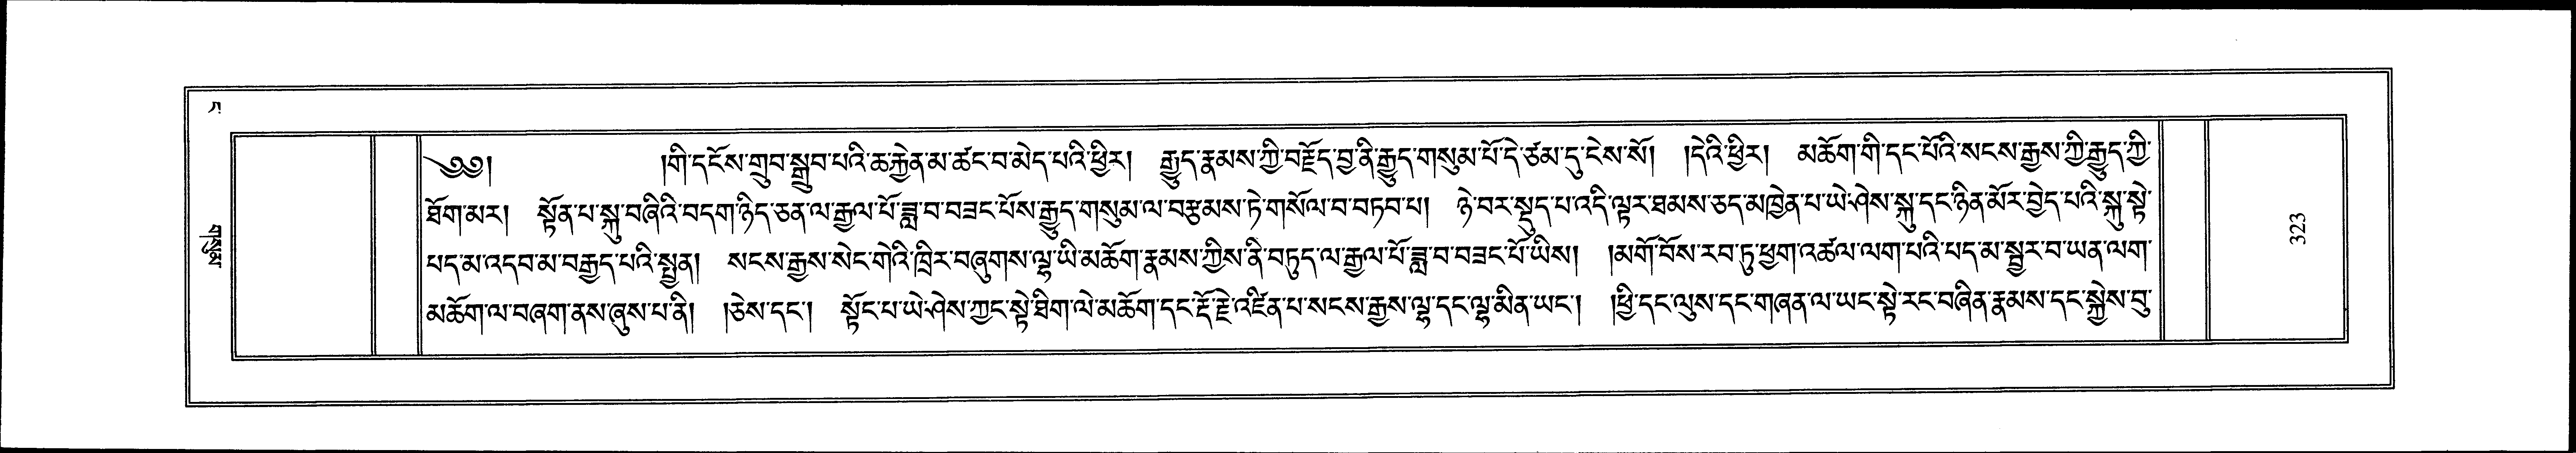༄༅། །གི་དངོས་གྲུབ་སྒྲུབ་པའི་ཆ་རྐྱེན་མ་ཚང་བ་མེད་པའི་ཕྱིར། རྒྱུད་རྣམས་ཀྱི་བརྗོད་བྱ་ནི་རྒྱུད་གསུམ་པོ་དེ་ཙམ་དུ་ངེས་སོ། །དེའི་ཕྱིར། མཆོག་གི་དང་པོའི་སངས་རྒྱས་ཀྱི་རྒྱུད་ཀྱི་
ཐོག་མར། སྟོན་པ་སྐུ་བཞིའི་བདག་ཉིད་ཅན་ལ་རྒྱལ་པོ་ཟླ་བ་བཟང་པོས་རྒྱུད་གསུམ་ལ་བརྩམས་ཏེ་གསོལ་བ་བཏབ་པ། ཉེ་བར་སྡུད་པ་འདི་ལྟར་ཐམས་ཅད་མཁྱེན་པ་ཡེ་ཤེས་སྐུ་དང་ཉིན་མོར་བྱེད་པའི་སྐུ་སྟེ་
པད་མ་འདབ་མ་བརྒྱད་པའི་སྤྱན། སངས་རྒྱས་སེང་གེའི་ཁྲིར་བཞུགས་ལྷ་ཡི་མཆོག་རྣམས་ཀྱིས་ནི་བཏུད་ལ་རྒྱལ་པོ་ཟླ་བ་བཟང་པོ་ཡིས། །མགོ་བོས་རབ་ཏུ་ཕྱག་འཚལ་ལག་པའི་པད་མ་སྦྱར་བ་ཡན་ལག་
མཆོག་ལ་བཞག་ནས་ཞུས་པ་ནི། །ཅེས་དང་། སྟོང་པ་ཡེ་ཤེས་ཀྱང་སྟེ་ཐིག་ལེ་མཆོག་དང་རྡོ་རྗེ་འཛིན་པ་སངས་རྒྱས་ལྷ་དང་ལྷ་མིན་ཡང་། །ཕྱི་དང་ལུས་དང་གཞན་ལ་ཡང་སྟེ་རང་བཞིན་རྣམས་དང་སྐྱེས་བུ་